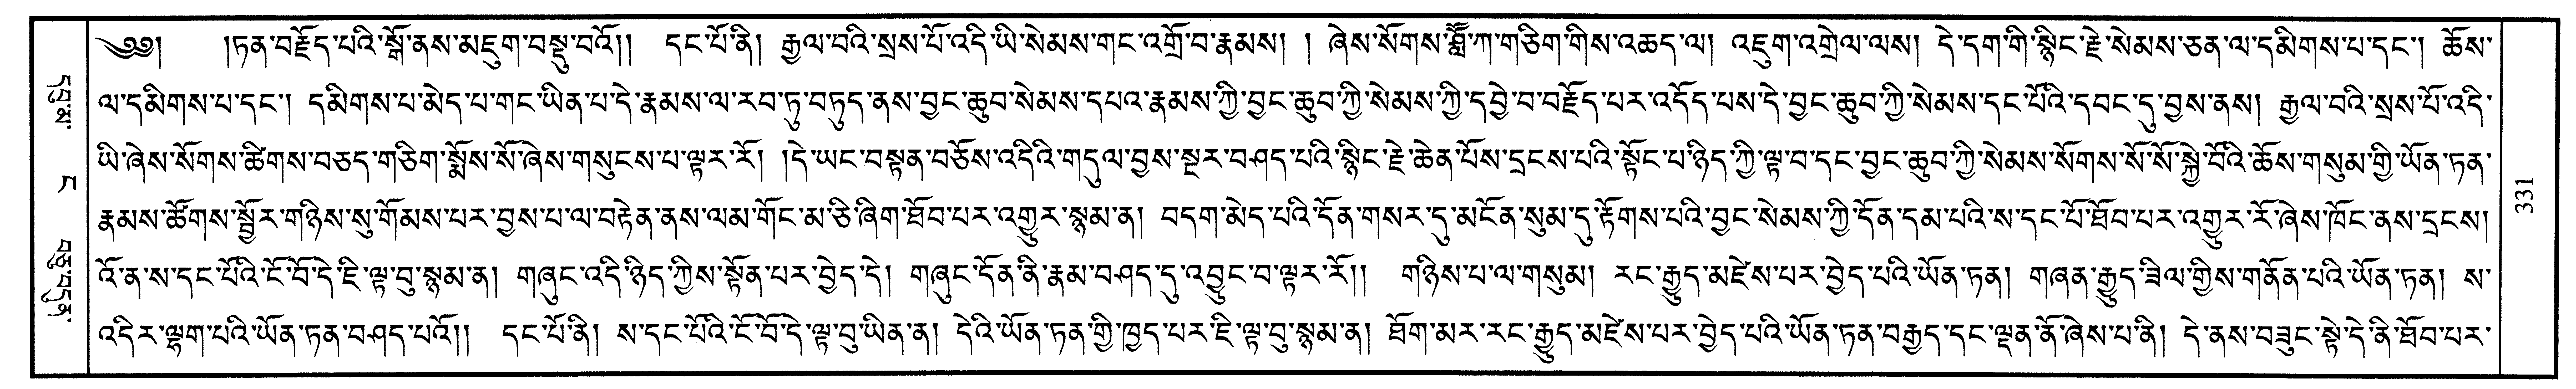༄༅། །ཏན་བརྗོད་པའི་སྒོ་ནས་མཇུག་བསྡུ་བའོ།། དང་པོ་ནི། རྒྱལ་བའི་སྲས་པོ་འདི་ཡི་སེམས་གང་འགྲོ་བ་རྣམས། །ཞེས་སོགས་ཤླཽ་ཀ་གཅིག་གིས་འཆད་ལ། འཇུག་འགྲེལ་ལས། དེ་དག་གི་སྙིང་རྗེ་སེམས་ཅན་ལ་དམིགས་པ་དང་། ཆོས་
ལ་དམིགས་པ་དང་། དམིགས་པ་མེད་པ་གང་ཡིན་པ་དེ་རྣམས་ལ་རབ་ཏུ་བཏུད་ནས་བྱང་ཆུབ་སེམས་དཔའ་རྣམས་ཀྱི་བྱང་ཆུབ་ཀྱི་སེམས་ཀྱི་དབྱེ་བ་བརྗོད་པར་འདོད་པས་དེ་བྱང་ཆུབ་ཀྱི་སེམས་དང་པོའི་དབང་དུ་བྱས་ནས། རྒྱལ་བའི་སྲས་པོ་འདི་
ཡི་ཞེས་སོགས་ཚིགས་བཅད་གཅིག་སྨོས་སོ་ཞེས་གསུངས་པ་ལྟར་རོ། །དེ་ཡང་བསྟན་བཅོས་འདིའི་གདུལ་བྱས་སྔར་བཤད་པའི་སྙིང་རྗེ་ཆེན་པོས་དྲངས་པའི་སྟོང་པ་ཉིད་ཀྱི་ལྟ་བ་དང་བྱང་ཆུབ་ཀྱི་སེམས་སོགས་སོ་སོ་སྐྱེ་བོའི་ཆོས་གསུམ་གྱི་ཡོན་ཏན་
རྣམས་ཚོགས་སྦྱོར་གཉིས་སུ་གོམས་པར་བྱས་པ་ལ་བརྟེན་ནས་ལམ་གོང་མ་ཅི་ཞིག་ཐོབ་པར་འགྱུར་སྙམ་ན། བདག་མེད་པའི་དོན་གསར་དུ་མངོན་སུམ་དུ་རྟོགས་པའི་བྱང་སེམས་ཀྱི་དོན་དམ་པའི་ས་དང་པོ་ཐོབ་པར་འགྱུར་རོ་ཞེས་ཁོང་ནས་དྲངས།
འོ་ན་ས་དང་པོའི་ངོ་བོ་དེ་ཇི་ལྟ་བུ་སྙམ་ན། གཞུང་འདི་ཉིད་ཀྱིས་སྟོན་པར་བྱེད་དེ། གཞུང་དོན་ནི་རྣམ་བཤད་དུ་འབྱུང་བ་ལྟར་རོ།། གཉིས་པ་ལ་གསུམ། རང་རྒྱུད་མཛེས་པར་བྱེད་པའི་ཡོན་ཏན། གཞན་རྒྱུད་ཟིལ་གྱིས་གནོན་པའི་ཡོན་ཏན། ས་
འདིར་ལྷག་པའི་ཡོན་ཏན་བཤད་པའོ།། དང་པོ་ནི། ས་དང་པོའི་ངོ་བོ་དེ་ལྟ་བུ་ཡིན་ན། དེའི་ཡོན་ཏན་གྱི་ཁྱད་པར་ཇི་ལྟ་བུ་སྙམ་ན། ཐོག་མར་རང་རྒྱུད་མཛེས་པར་བྱེད་པའི་ཡོན་ཏན་བརྒྱད་དང་ལྡན་ནོ་ཞེས་པ་ནི། དེ་ནས་བཟུང་སྟེ་དེ་ནི་ཐོབ་པར་